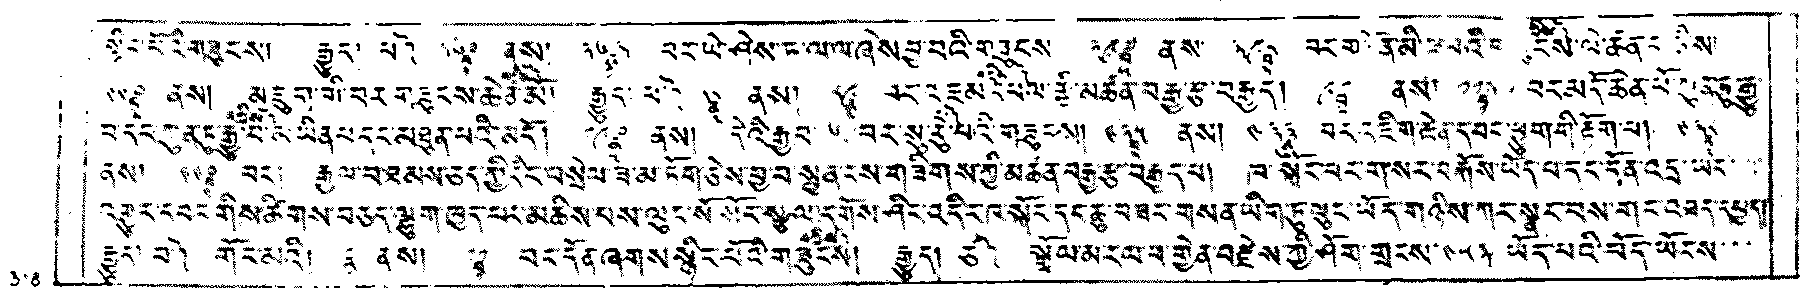སྙིང་པོའི་གཟུངས། རྒྱུད། པ} ༢༦༠་བ ༧་ནས། ༢༦༣་ན ༡་བར་ཡེ་ཤེས་ཏ་ལ་ལ་ཞེས་བྱ་བའི་གཟུངས། ༢༩༧་བ ༥་ནས ༣༩༨་བ ༢་བར་གདོན་མི་ཟ་བའི་གཟུངས་བཀྲིས}་ལེ་ཚན་གཉིས།
༤༤༠་བ ༣་ནས། མཇུག་གི་བར་གཟུངས་ཆེན་མོ་བཀྲིས}། རྒྱུད། ཕ} ༨༨་ན ༣་ནས། ༨༩་ན ༢་བར་འཇམ་དཔལ་གྱི་མཚན་བརྒྱ་རྩ་བརྒྱད། ༩༡་བ ༢་ནས། ༡༡༢་བ ༡་བར་མདོ་ཆེན་པོ་ཀུན་ཏུ་རྒྱུ་
བ་དང་ཀུན་ཏུ་རྒྱུ་བ་མ་ཡིན་པ་དང་མཐུན་པའི་མདོ། ༡༩༠་ན ༥་ནས། དེའི་རྒྱབ ༦་བར་སུ་རུ་བའི་གཟུངས། ༤༢༥་བ ༣་ནས། ༤༣༣་ན ༦་བར་འཇིག་རྟེན་དབང་ཕྱུག་གི་རྟོག་པ། ༤༣༨་ན ༢
ནས། ༤༤༠་བ ༤་བར། རྒྱལ་བ་ཐམས་ཅད་ཀྱི་རིང་བསྲེལ་ཟ་མ་ཏོག་ཅེས་བྱ་བ་སྤྱན་རས་གཟིགས་ཀྱི་མཚན་བརྒྱ་རྩ་བརྒྱད་པ། ཁ་སྐོང་པར་གསར་བརྐོས་ཡོད་པ་དང་དོན་འདྲ་ཡང་
འགྱུར་དབང་གིས་ཚིགས་བཅད་ལྷུག་ཁྱད་པར་མཆིས་པས་ལུང་སོ་སོར་སྩལ་དགོས་ཤིང་འདིར་ཁ་སྐོང་དང་ཆུ་བཟང་གསན་ཡིག་ཏུ་ལུང་ཡོད་གཉིས་ཀར་སྣང་བས་གང་འཐད་དཔྱད།
རྒྱུད། བ}་གོང་མའི། ༡་ན ༡་ནས། ༡༡་བ ༡་བར་དོན་ཞགས་སྙིང་པོའི་གཟུངས། བཀྲིས}་རྒྱུད། ཙ}་སྒྲོལ་མ་རལ་པ་གྱེན་བརྫེས་ཀྱི་ཤོག་གྲངས ༤༥༣་ཡོད་པའི་པོད་ཡོངས་